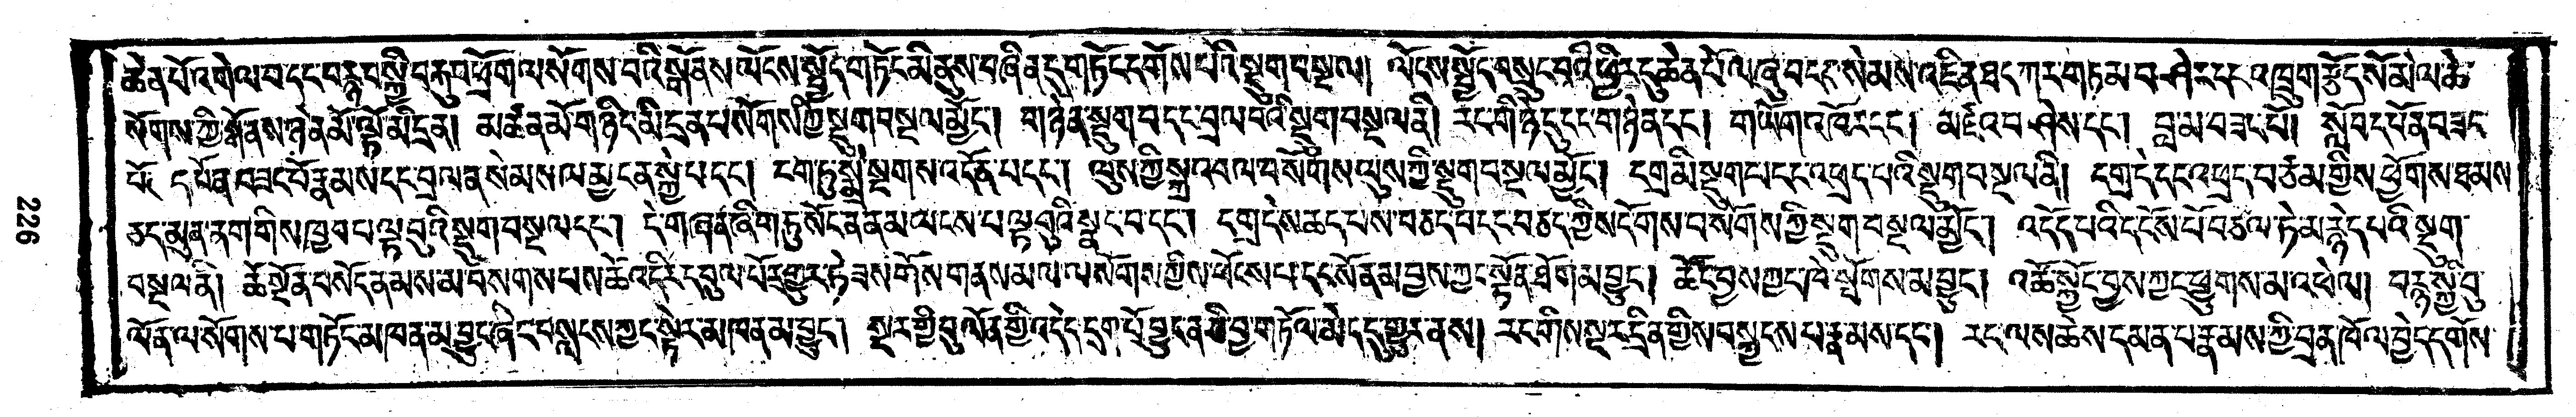ཆེན་པོ་འགེལ་བ་དང་བརྙབ་སྐྱི་བརྐུབ་ཕྲོག་ལ་སོགས་བའི་སྒོ་ནས་ལོངས་སྤྱོད་གཏོང་མི་ནུས་བཞིན་དུ་གཏོང་དགོས་པའི་སྡུག་བསྔལ། ལོངས་སྤྱོད་བསྲུང་བའི་ཕྱིར་དུ་ཆེན་པོ་ལ་ཞུ་བ་དང་སེམས་འཇིན་ཐད་ཀར་གཏམ་བཤེར་དང་འཁྲུག་རྩོད་སོ་མེལ་ཆེ་
སོགས་ཀྱི་སྒོ་ནས་ཉེན་མོ་ལྟོ་མི་དྲན། མཚན་མོ་གཉིད་མི་དྲན་པ་སོགས་ཀྱི་སྡུག་བསྔལ་མྱོང་། གཉེན་སྡུག་བ་དང་བྲལ་བའི་སྡུག་བསྔལ་ནི། རང་གི་ཉེ་དུ་དང་གཉེན་དང་། གཡོག་འཁོར་དང་། མཛའ་བཤེས་དང་། བླ་མ་བཟང་པོ། སློབ་དཔོན་བཟང་
པོ༑ དཔོན་བཟང་པོ་རྣམས་དང་བྲལ་ན་སེམས་ལ་མྱ་ངན་སྐྱེ་པ་དང་། ངག་ཏུ་སྨྲེ་སྔགས་འདོན་པ་དང་། ལུས་ཀྱི་སྐྲ་འབལ་བ་སོགས་ལུས་ཀྱི་སྡུག་བསྔལ་མྱོང་། དགྲ་མི་སྡུག་པ་དང་འཕྲད་པའི་སྡུག་བསྔལ་ནི། དགྲ་དེ་དང་འཕྲད་བཙམ་གྱིས་ཕྱོགས་ཐམས་
ཅད་མུན་ནག་གིས་ཁྱབ་པ་ལྟ་བུའི་སྡུག་བསྔལ་དང་། དེ་གཞན་ཞིག་ཏུ་སོང་ན་ནམ་ལངས་པ་ལྟ་བུའི་སྣང་བ་དང་། དགྲ་ངེས་ཆད་པས་བཅད་པ་དང་བཅད་ཀྱིས་དོགས་བ་སོགས་ཀྱི་སྡུག་བསྔལ་མྱོང་། འདོད་པའི་དངོས་པོ་བཙལ་ཏེ་མ་རྙེད་པའི་སྡུག་
བསྔལ་ནི། ཆོ་སྔོན་བསོད་ནམས་མ་བསགས་པས་ཚེ་འདིར་དབུལ་པོར་གྱུར་ཏེ་ཟས་གོས་གནས་མལ་ལ་སོགས་ཀྱིས་ཕོངས་པ་དང་སོ་ནམ་བྱས་ཀྱང་སྟོན་ཐོག་མ་བྱུང་། ཚོང་བྱས་ཀྱང་ཁེ་སྤོགས་མ་བྱུང་། འཚོ་སྐྱོང་བྱས་ཀྱང་ཕྱུགས་མ་འཕེལ། བརྙ་སྐྱི་བུ་
ལོན་ལ་སོགས་པ་གཏོང་མཁན་མ་བྱུང་ཞིང་བསླངས་ཀྱང་སྟེར་མཁན་མ་བྱུང་། སྔར་གྱི་བུ་ལོན་གྱི་འདེད་དྲག་པོ་བྱུང་ན་?་བྱ་གཏོལ་མེད་དུ་གྱུར་ནས། རང་གིས་སྔར་དྲིན་གྱིས་བསྐྱངས་པ་རྣམས་དང་། རང་ལས་ཆེས་དམན་པ་རྣམས་ཀྱི་བྲན་ཁོ་ལ་བྱེད་དགོས་